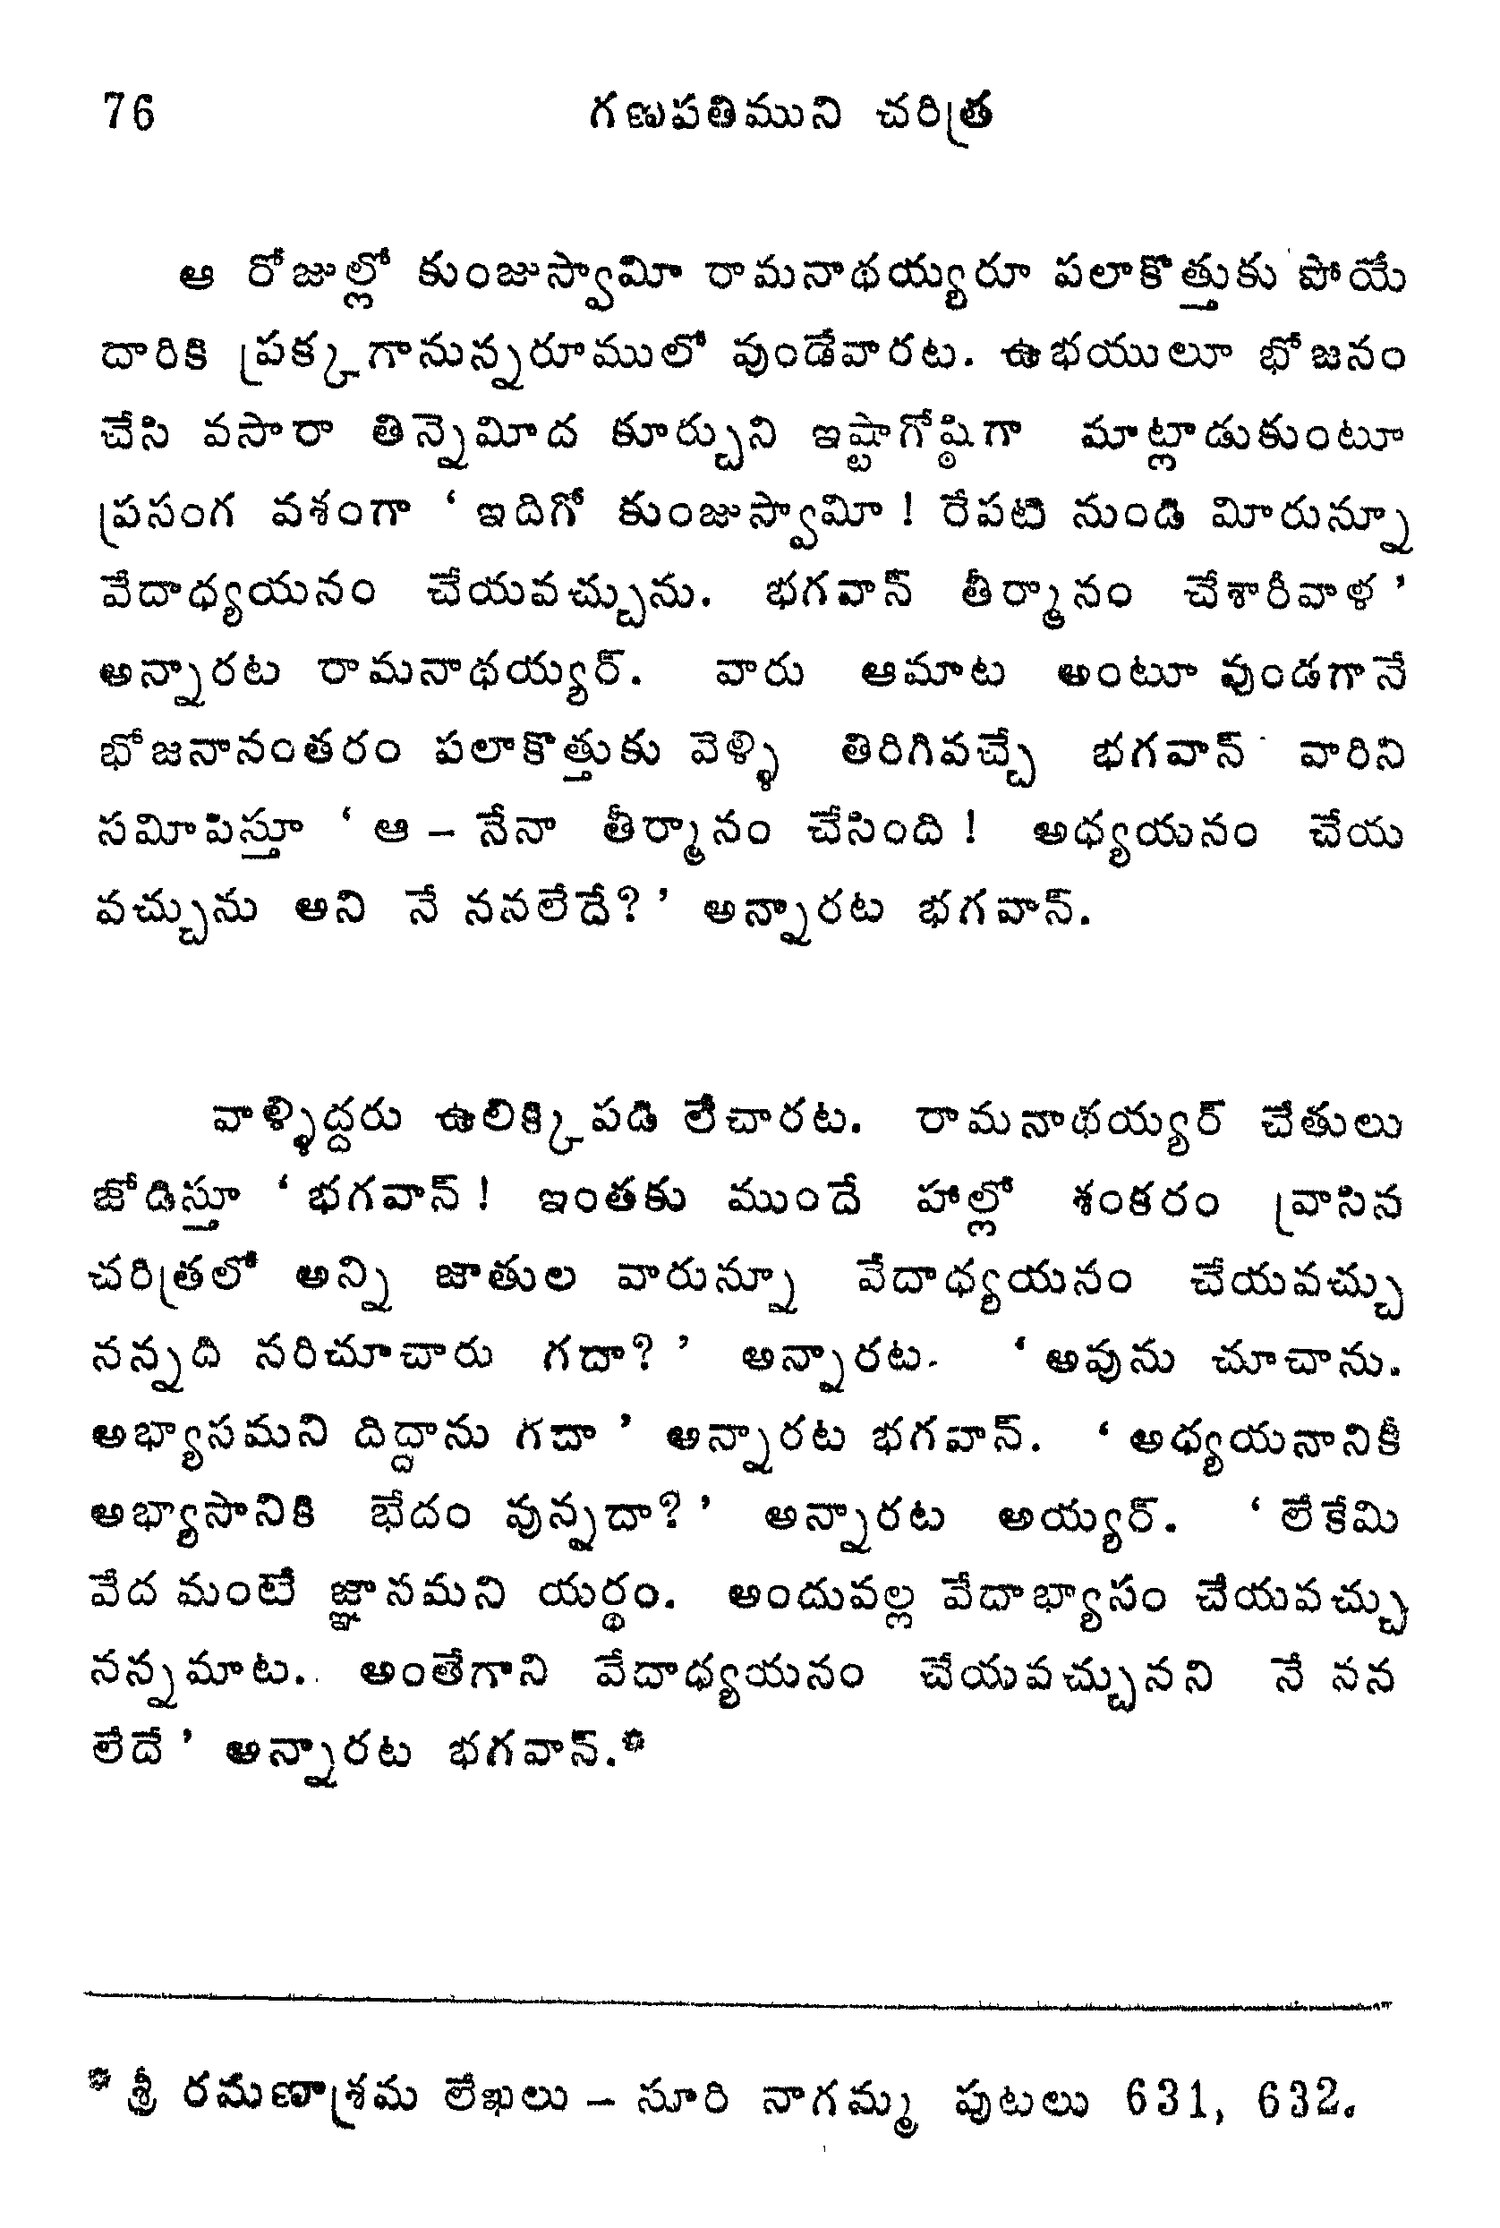ఆ రోజుల్లో కుంజుస్వామీ రామనాథయ్యరూ పలాకొత్తుకు పోయే దారికి ప్రక్కగానున్నరూములో వుండేవారట. ఉభయులూ భోజనంచేసి వసారా తిన్నెమీద కూర్చుని ఇష్టాగోష్ఠిగా మాట్లాడుకుంటూ ప్రసంగ వశంగా 'ఇదిగో కుంజుస్వామీ! రేపటి నుండి మీరున్నూ వేదాధ్యయనం చేయవచ్చును. భగవాన్ తీర్మానం చేశారీవాళ' అన్నారట రామనాథయ్యర్. వారు ఆమాట అంటూ వుండగానే భోజనానంతరం పలాకొత్తుకు వెళ్ళి తిరిగివచ్చే భగవాన్ వారిని సమీపిస్తూ 'ఆ - నేనా తీర్మానం చేసింది! అధ్యయనం చేయవచ్చును అని నే ననలేదే?' అన్నారట భగవాన్.

వాళ్ళిద్దరు ఉలిక్కిపడి లేచారట. రామనాథయ్యర్ చేతులు జోడిస్తూ 'భగవాన్! ఇంతకు ముందే హాల్లో శంకరం వ్రాసిన చరిత్రలో అన్ని జాతుల వారున్నా వేదాధ్యయనం చేయవచ్చు నన్నది సరిచూచారు గదా?' అన్నారట. 'అవును చూచాను. అభ్యాసమని దిద్దాను గదా' అన్నారట భగవాన్. 'అధ్యయనానికి అభ్యాసానికి భేదం వున్నదా?' అన్నారట అయ్యర్. 'లేకేమి వేద మంటే జ్ఞానమని యర్థం. అందువల్ల వేదాభ్యాసం చేయవచ్చు నన్నమాట. అంతేగాని వేదాధ్యయనం చేయవచ్చునని నే ననలేదే' అన్నారట భగవాన్.*